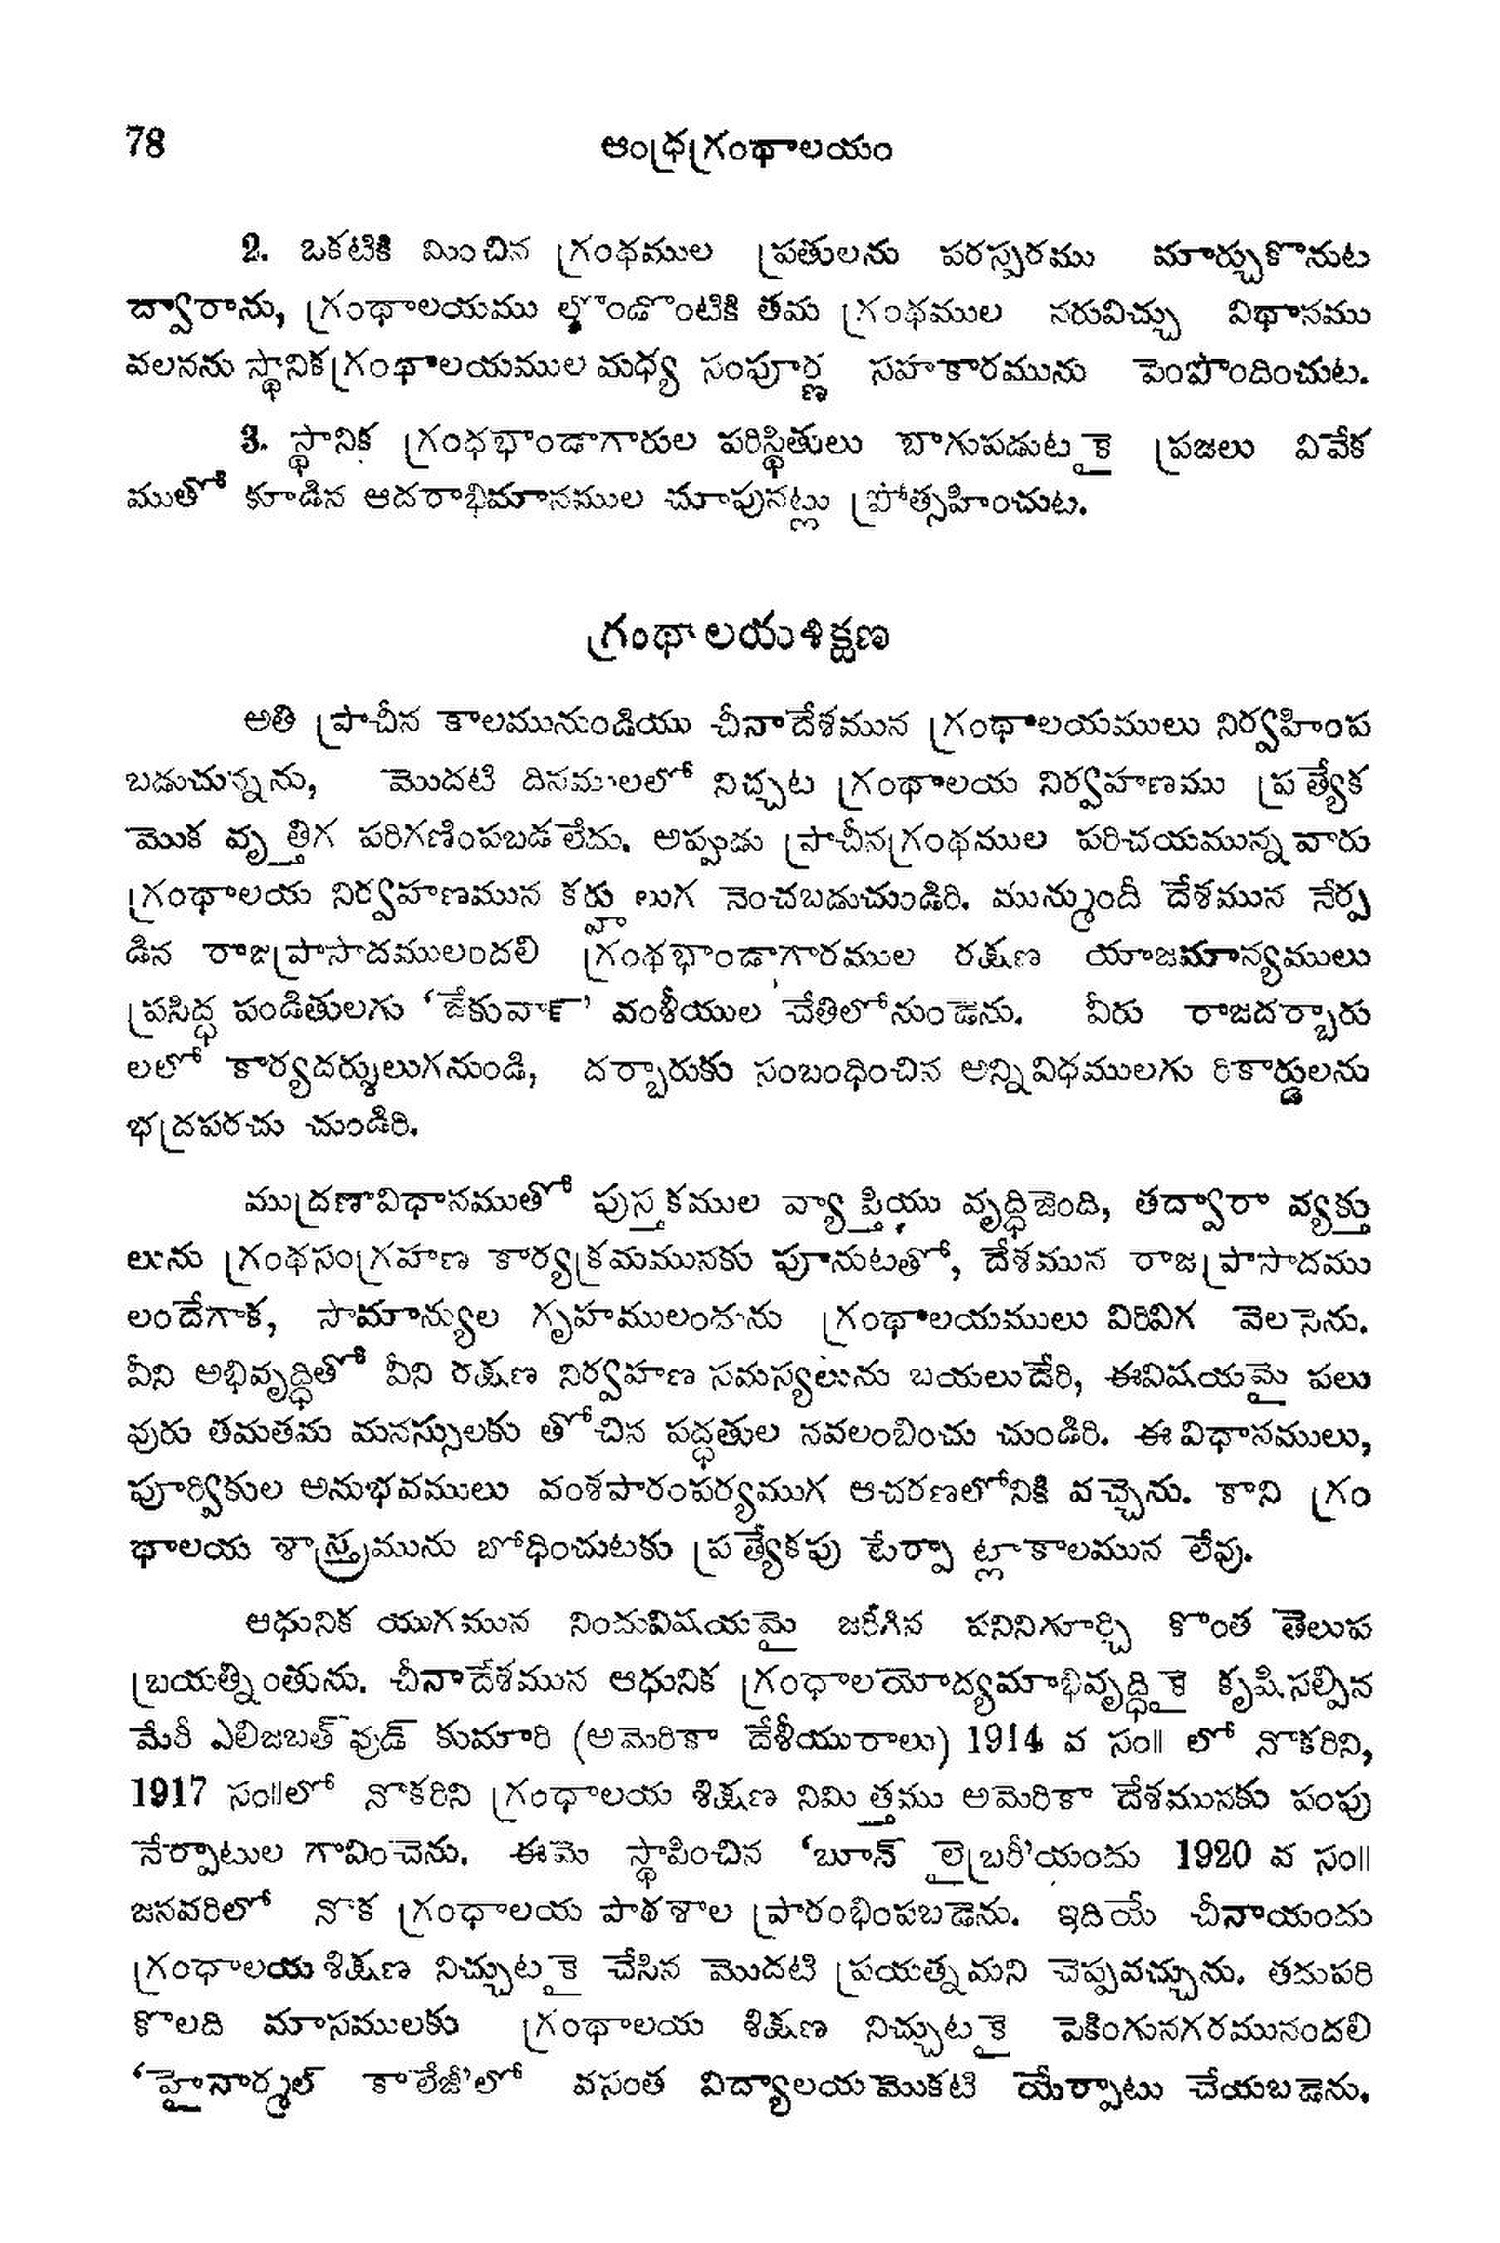2. ఒకటికి మించిన గ్రంథముల ప్రతులను పరస్పరము మార్చుకొనుట ద్వారాను, గ్రంథాలయము లొండొంటికి తమ గ్రంథముల నరునిచ్చు విధానము వలనను స్థానిక గ్రంథాలయముల మధ్య సంపూర్ణ సహకారమును పెంపొందించుట.
3. స్థానిక గ్రంధభాండాగారుల పరిస్థితులు బాగుపడుటకై ప్రజలు వివేకముతో కూడిన ఆదరాభిమానములు చూపునట్లు ప్రోత్సహించుట.
గ్రంథాలయశిక్షణ
అతి ప్రాచీన కాలమునుండియు చీనాదేశమున గ్రంథాలయములు నిర్వహింప
బడుచున్నను, మొదటి దినములలో నిచ్చట గ్రంథాలయ నిర్వహణము ప్రత్యేక
మొక వృత్తిగ పరిగణింపబడ లేదు. అప్పుడు ప్రాచీన గ్రంథములు పరిచయమున్న వారు
గ్రంథాలయ నిర్వహణమున కర్హులుగ నెంచబడుచుండిరి. మున్ముంది 'దేశమున నేర్ప
డిన రాజప్రాసాదములందలి గ్రంథ భాండాగారముల రక్షణ యాజమాన్యములు
ప్రసిద్ధ పండితులగు 'జేకువా౯' వంశీయుల చేతిలోనుండెను. వీరు రాజదర్బారు
లలో కార్యదర్శులుగనుండి, దర్బారుకు సంబంధించిన అన్ని విధములగు రికార్డులను
భద్రపరచు చుండిరి.

ముద్రణావిధానముతో పుస్తకముల వ్యాప్తియు వృద్ధి జెంది, తద్వారా వ్యక్తు
లును గ్రంథసంగ్రహణ కార్యక్రమమునకు పూనుటతో, దేశమున రాజ ప్రాసాదము
లందేగాక, సామాన్యుల గృహములందును గ్రంథాలయములు విరివిగ వెలసెను.
వీని అభివృద్ధితో వీని రక్షణ నిర్వహణ సమస్యలును బయలుదేరి, ఈవిషయమై పలు
వురు తమతమ మనస్సులకు తోచిన పద్ధతుల నవలంబించు చుండిరి. ఈ విధానములు,
పూర్వికుల అనుభవములు వంశపారంపర్యముగ ఆచరణలోకి వచ్చెను. కాని గ్రం
థాలయ శాస్త్రమును బోధించుటకు ప్రత్యేకపుటేర్పాట్లాకాలమున లేవు.
ఆధునిక యుగమున నిందువిషయమై జరిగిన పనినిగూర్చి కొంత తెలుప
బ్రయత్నింతును. చీనాదేశమున ఆధునిక గ్రంధాలయోద్యమాభివృద్ధికై కృషి సల్పిన
మేరీ ఎలిజబత్ వుడ్ కుమారి (అమెరికా దేశీయురాలు) 1914వ సం॥ లో నొకరిని,
1917 సం॥లో నొకరిని గ్రంధాలయ శిక్షణ నిమిత్తము అమెరికా దేశమునకు పంపు
నేర్పాటుల గావించెను. ఈమె స్థాపించిన 'బూన్ లైబ్రరీ' యందు 1920వ సం॥
జనవరిలో నొక గ్రంధాలయ పాఠశాల ప్రారంభింపబడెను. ఇదియే చీనాయందు
గ్రంధాలయ శిక్షణ నిచ్చుటకై చేసిన మొదటి ప్రయత్నమని చెప్పవచ్చును. తదుపరి
కొలది మాసములకు గ్రంథాలయ శిక్షణ నిచ్చుటకై పెకింగునగరమునందలి
'హైనార్మల్ కాలేజీ'లో వసంత విద్యాలయమొకటి యేర్పాటు చేయబడెను.